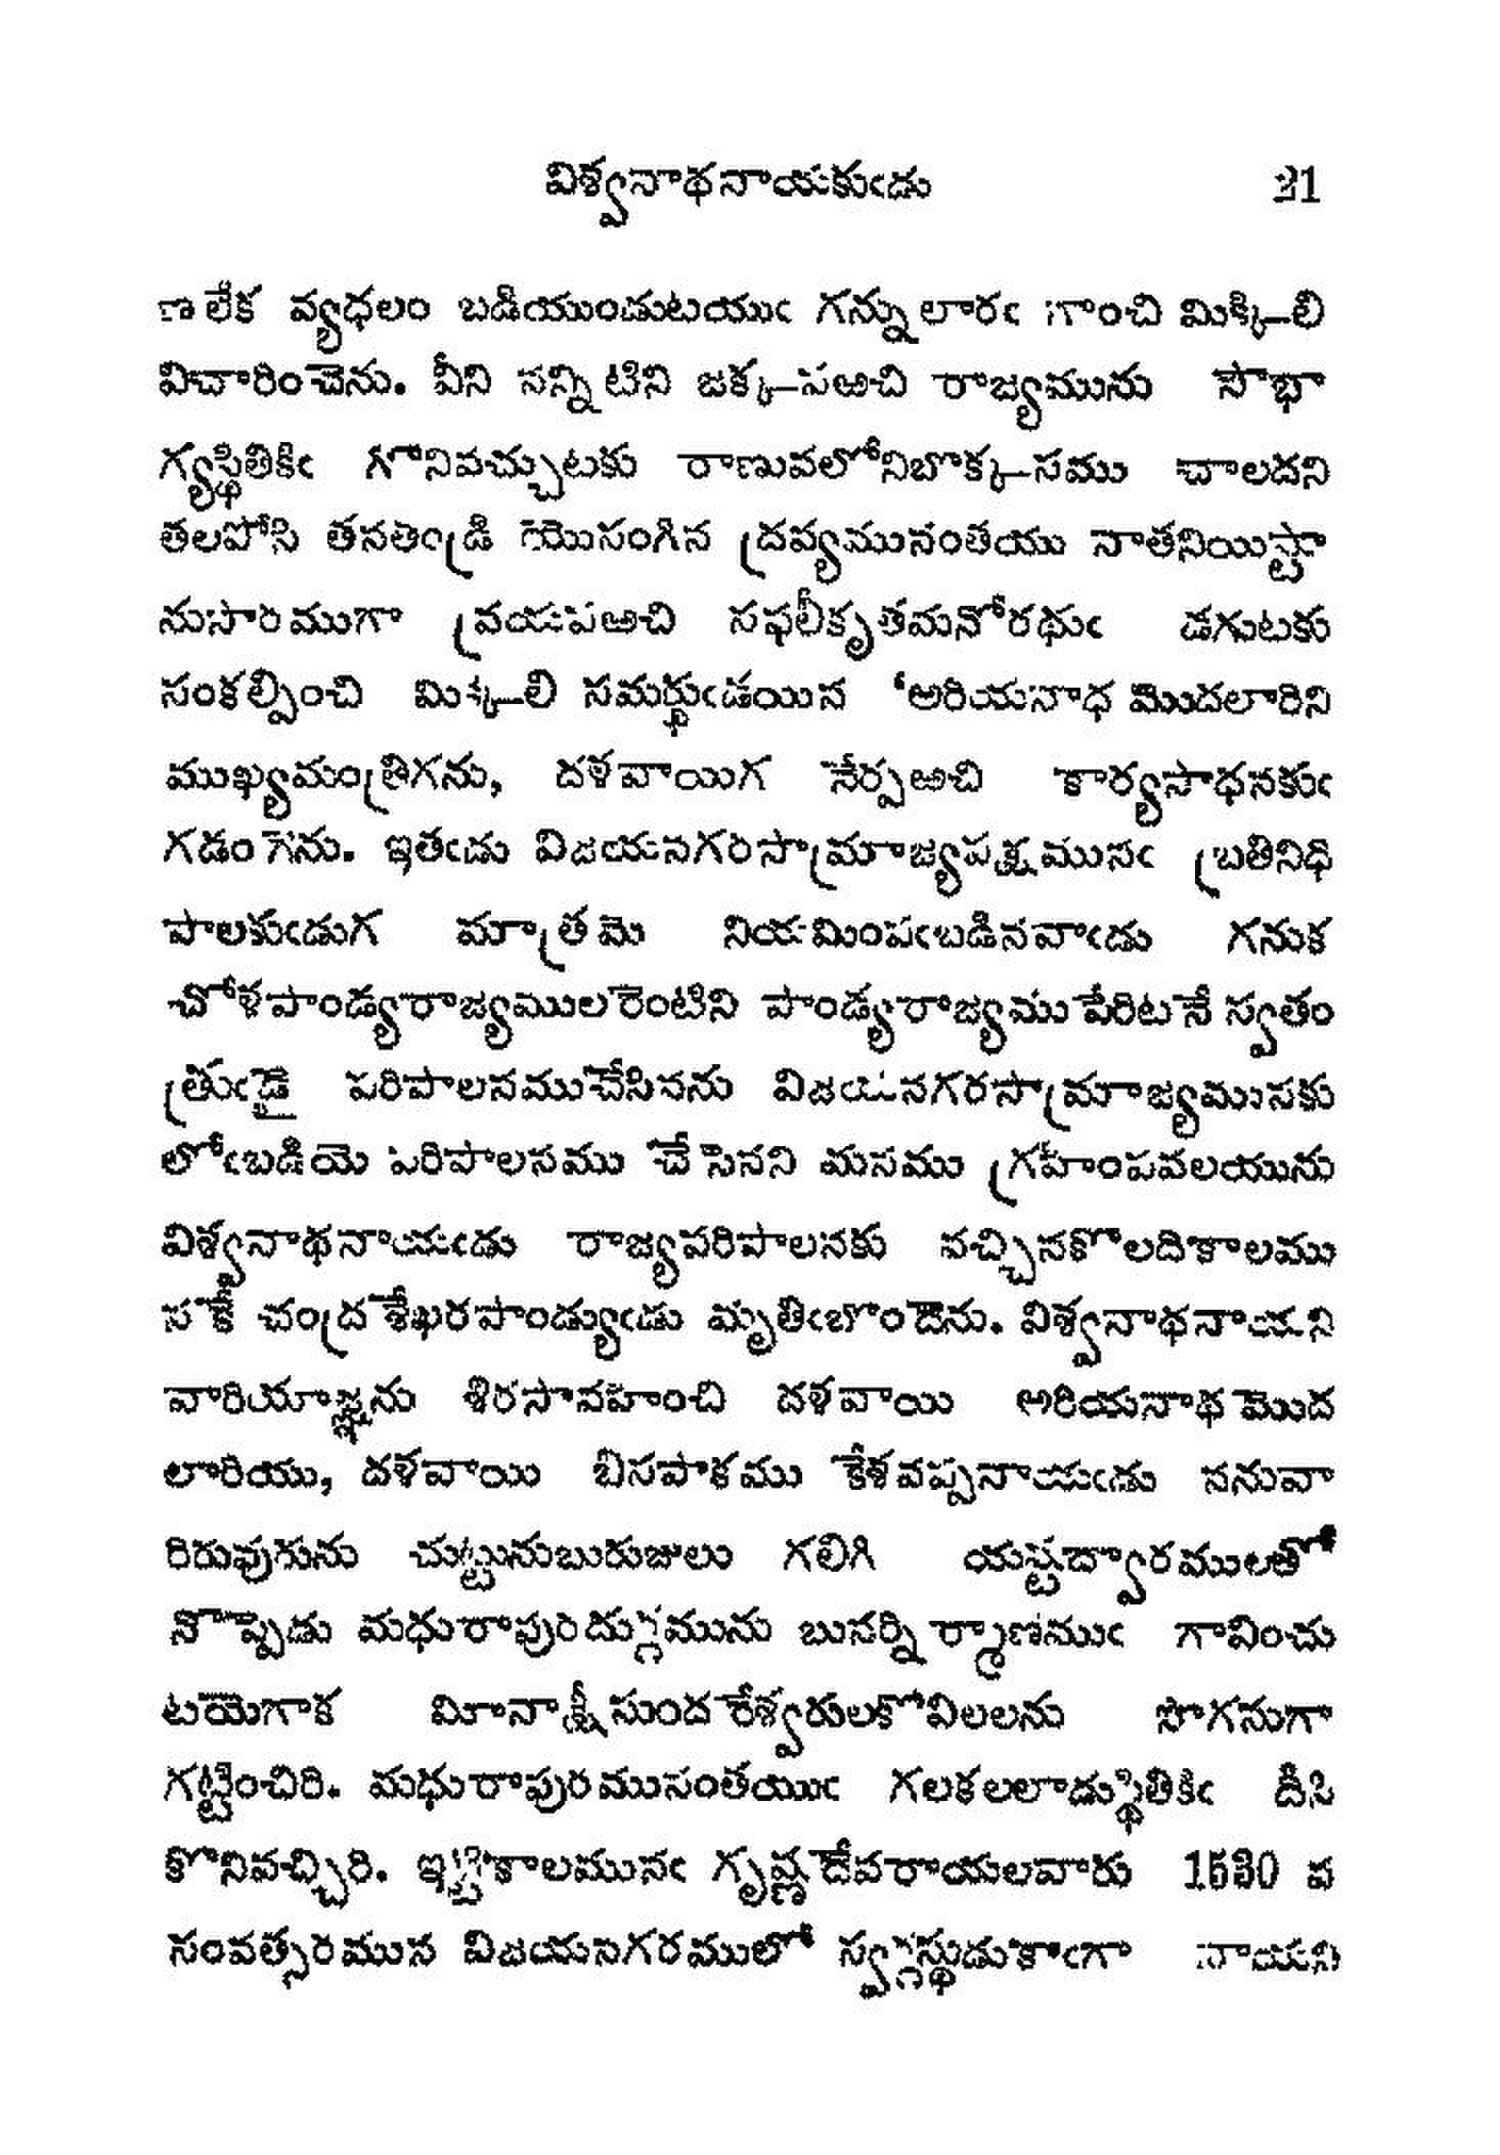ణలేక వ్యధలం బడియుండుటయుఁ గన్నులారఁ గాంచి మిక్కిలి విచారించెను. వీని నన్నిటిని జక్కపఱచి రాజ్యమును సౌభాగ్యస్థితికిఁ గొనివచ్చుటకు రాణువలోనిబొక్కసము చాలదని తలపోసి తనతండ్రి యొసంగిన ద్రవ్యమునంతయు నాతనియిష్టానుసారముగా వ్రయపఱచి సఫలీకృతమనోరథుఁ డగుటకు సంకల్పించి మిక్కిలి సమర్థుఁడయిన 'అరియనాధ మొదలారిని ముఖ్యమంత్రిగను, దళవాయిగ నేర్పఱచి కార్యసాధనకుఁ గడంగెను. ఇతఁడు విజయనగరసామ్రాజ్యపక్షమునఁ బ్రతినిధి పాలకుఁడుగ మాత్రమె నియమింపఁబడినవాఁడు గనుక చోళపాండ్యరాజ్యముల రెంటిని పాండ్యరాజ్యము పేరిటనే స్వతంత్రుఁడై పరిపాలనముచేసినను విజయనగరసామ్రాజ్యమునకు లోఁబడియె పరిపాలనము చేసినని మనము గ్రహింపవలయును. విశ్వనాథనాయఁడు రాజ్యపరిపాలనకు వచ్చినకొలదికాలమునకే చంద్రశేఖరపాండ్యుఁడు మృతిఁబొందెను. విశ్వనాథనాయని వారియాజ్ఞను శిరసావహించి దళవాయి అరియనాథ మొదలారియు, దళవాయి బిసపాకము కేశవప్పనాయఁడు ననువా రిరువురును చుట్టునుబురుజులు గలిగి యష్టద్వారములతో నొప్పెడు మధురాపురదుర్గమును బునర్నిర్మాణముఁ గావించుటయెగాక మీనాక్షిసుందరేశ్వరుల కోవిలలను సొగసుగా గట్టించిరి. మధురాపురమునంతయుఁ గలకలలాడుస్థితికిఁ దీసికొనివచ్చిరి. ఇట్టికాలమునఁ గృష్ణదేవరాయలవారు 1530 వ సంవత్సరమున విజయనగరములో స్వర్గస్థుడుకాఁగా నాయని